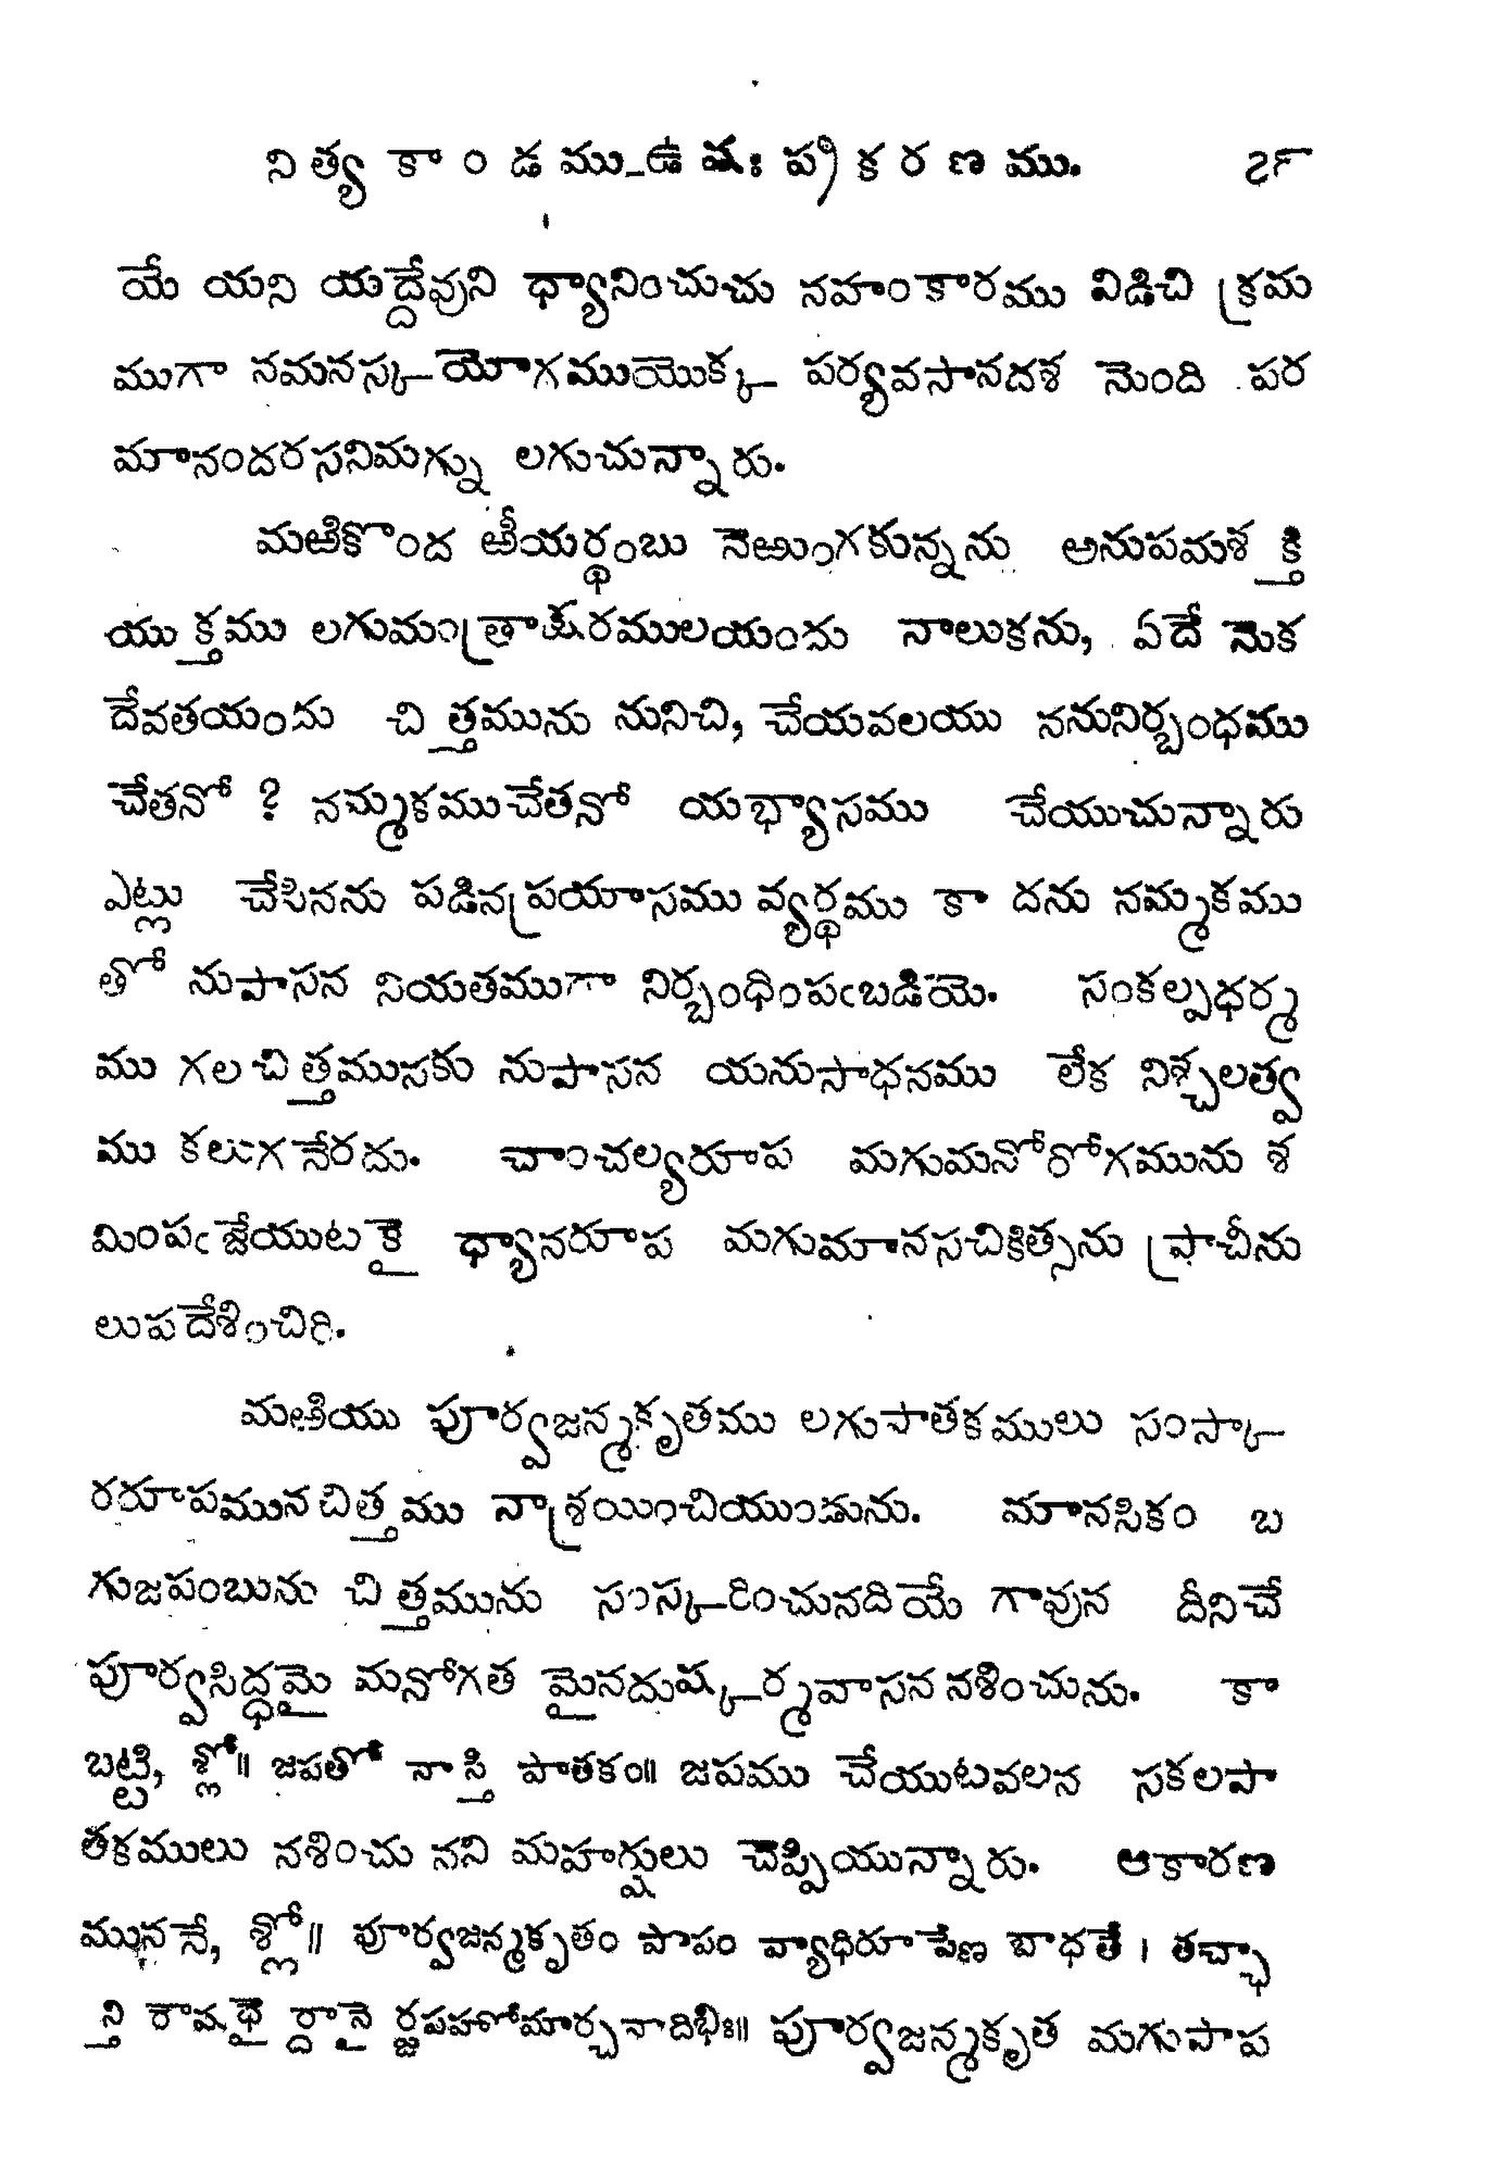యే యని యద్దేవుని ధ్యానించుచు నహంకారము విడిచి క్రమముగా నమనస్కయోగముయొక్క పర్యవసానదశ నొంది పరమానందరసనిమగ్ను లగుచున్నారు.

మఱికొంద ఱీయర్థంబు నెఱుంగకున్నను. అనుపమశక్తియుక్తము లగుమంత్రాక్షరములయందు నాలుకను, ఏదే నొక
దేవతయందు చిత్తమును నునిచి, చేయవలయు ననునిర్బంధము చేతనో ? నమ్మకముచేతనో యభ్యాసము చేయుచున్నారు ఎట్లు చేసినను పడినప్రయాసము వ్యర్థము కా దను నమ్మకముతో నుపాసన నియతముగా నిర్బంధింపఁబడియె. సంకల్పధర్మము గల చిత్తమునకు నుపాసన యనుసాధనము లేక నిశ్చలత్వము కలుగనేరదు. చాంచల్యరూప మగుమనోరోగమును శమింపఁ జేయుటకై ధ్యానరూప మగుమానసచికిత్సను ప్రాచీను లుపదేశించిరి.

మఱియు పూర్వజన్మకృతము లగుపాతకములు సంస్కారరూపమున చిత్తము నాశ్రయించియుండును. మానసికం బగుజపంబును చిత్తమును సంస్కరించునదియే గావున దీనిచే పూర్వసిద్ధమై మనోగత మైనదుష్కర్మవాసన నశించును. కాబట్టి, శ్లో॥ జపతో నాస్తి పాతకం॥ జపము చేయుటవలన సకలపాతకములు నశించు నని మహర్షులు చెప్పియున్నారు. ఆకారణముననే, శ్లో॥ పూర్వజన్మకృతం పాపం వ్యాధిరూపేణ బాధతే । తచ్ఛాన్తి రౌషధై ర్దానై ర్జపహోమార్చనాదిభిః॥ పూర్వజన్మకృత మగుపాప